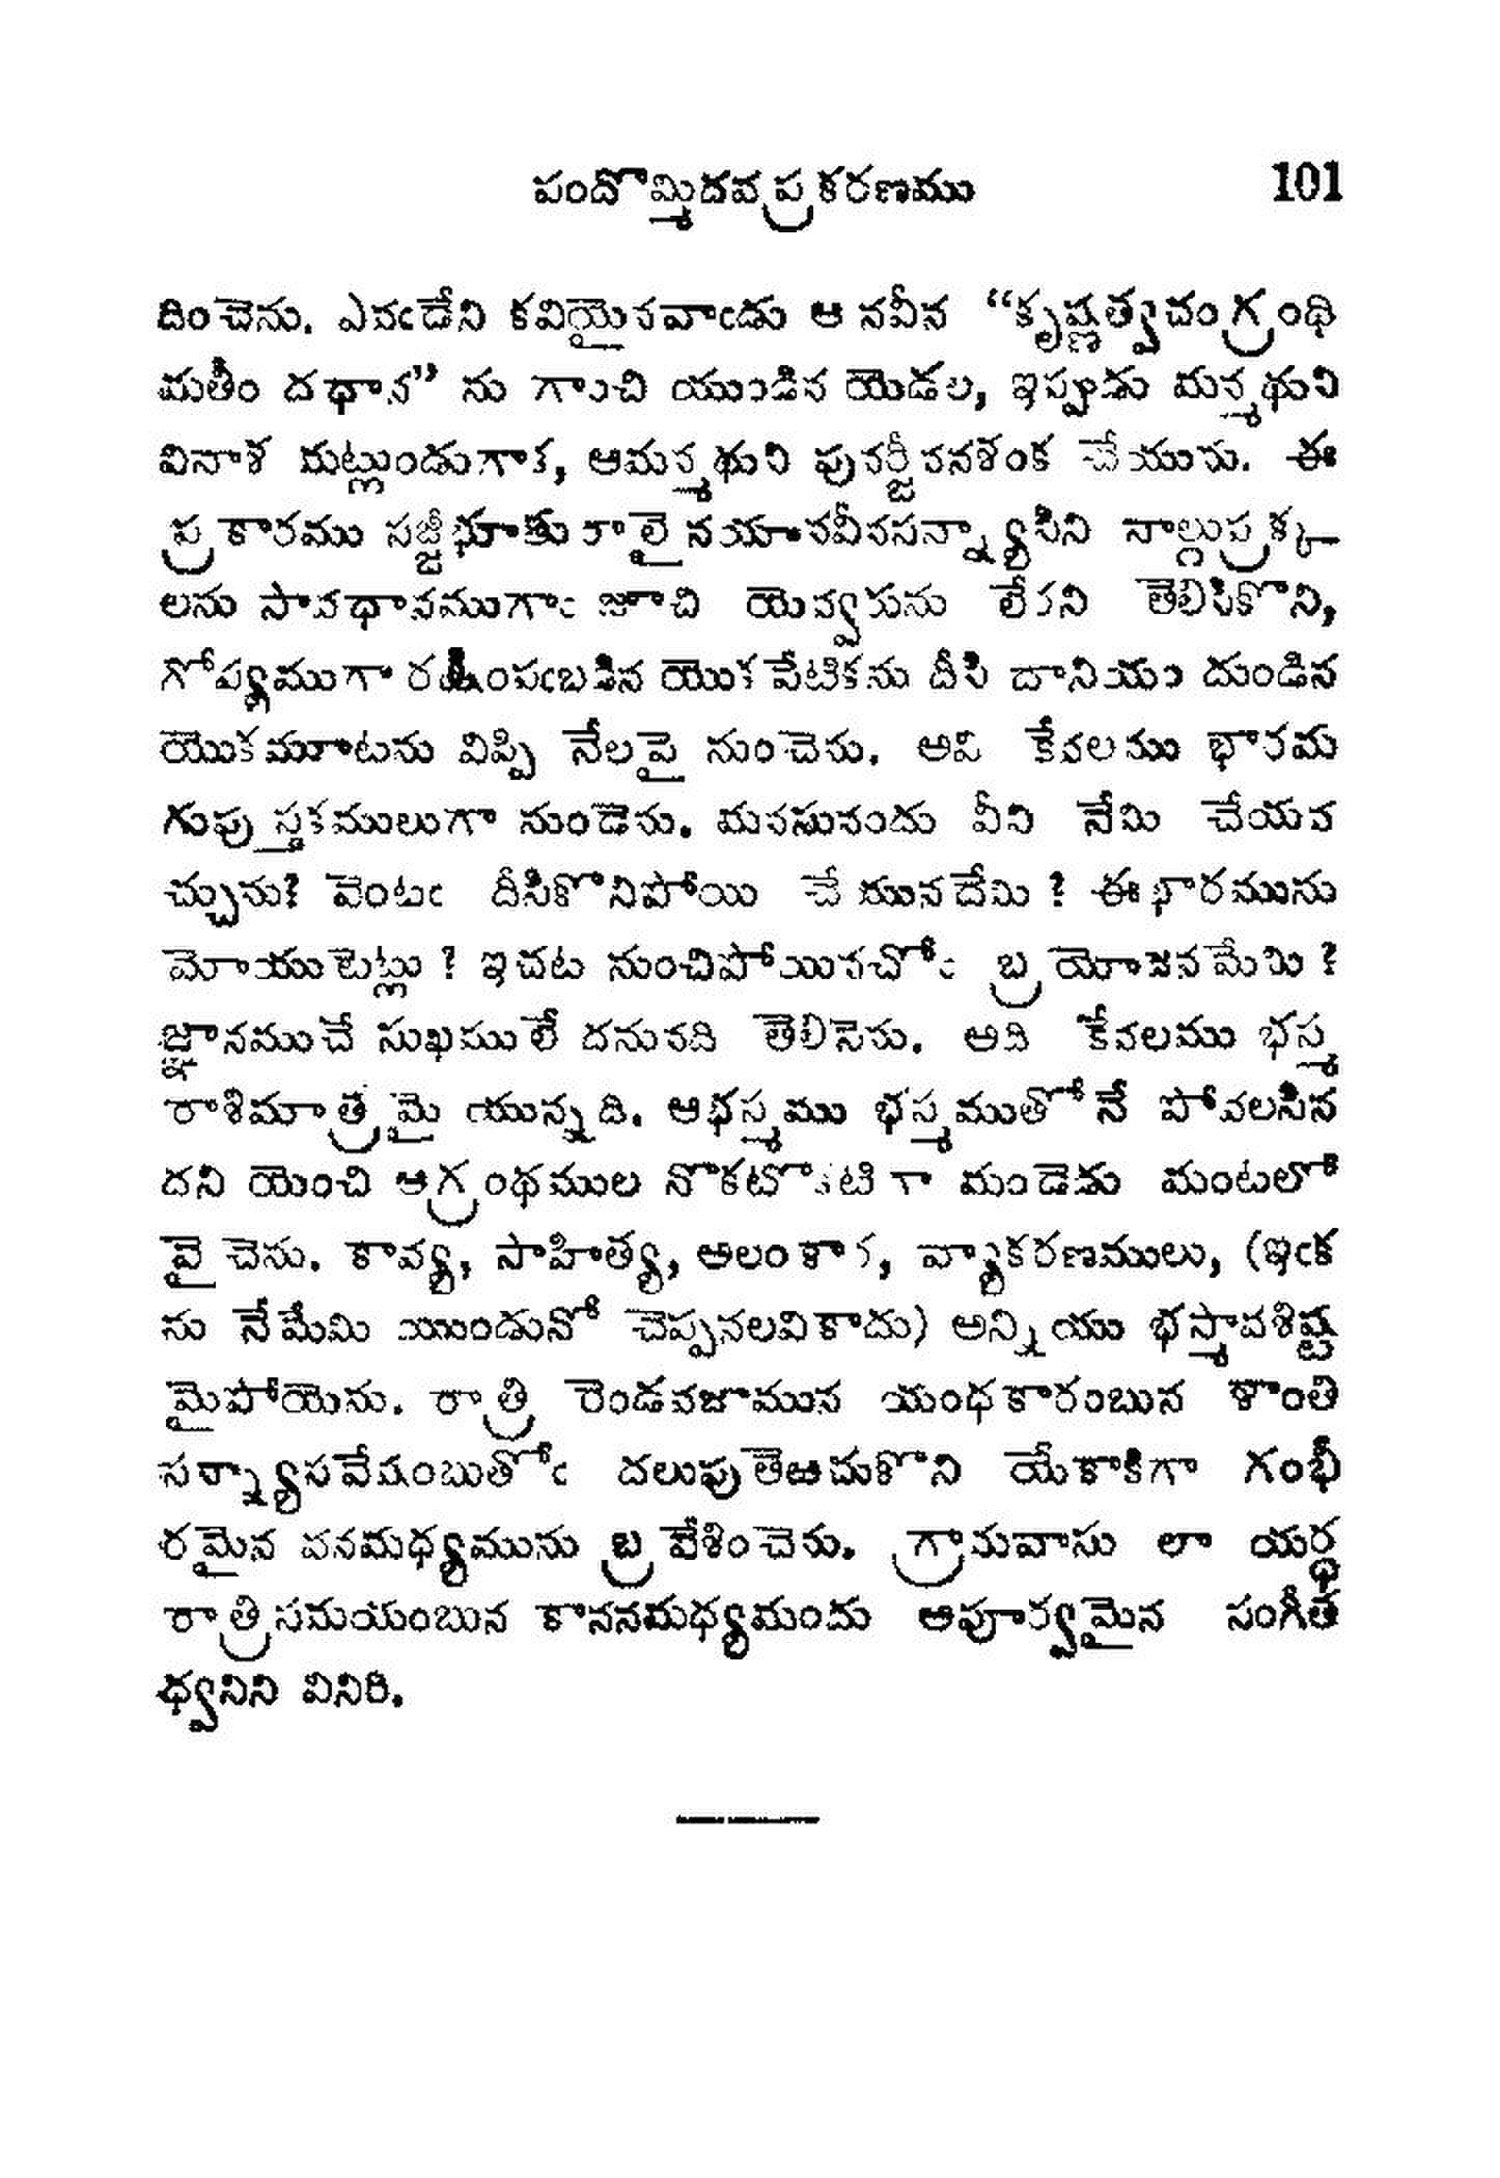దించెను. ఎవఁడేని కవియైనవాఁడు ఆ నవీన “కృష్ణత్వచం గ్రంధి మతీం దధాన” ను గాంచి యుండిన యెడల, ఇప్పుడు మన్మథుని వినాశ మట్లుండుగాక, ఆమన్మథుని పునర్జీ వనశంక చేయును. ఈ ప్రకారము సజ్జీ భూతురాలైన, యానవీనసన్న్యాసిని నాల్గుప్రక్కలను సావధానముగాఁ జూచి యెవ్వరును లేరని తెలిసికొని, గోప్యముగా రక్షింపఁబడిన యొక పేటికను దీసి దానియం దుండిన యొక మూటను విప్పి నేలపై నుంచెను. అవి కేవలము భావమగుపుస్తకములుగా నుండెను. మనసునందు వీని నేమి చేయవచ్చును? వెంటఁ దీసికొనిపోయి చేయునదేమి ? ఈ భారమును మోయు టెట్లు ! ఇచట నుంచిపోయినచో: బ్రయోజనమేమి ? జ్ఞానముచే సుఖము లే దనునది తెలిసెను. అది కేవలము భస్మరాశిమాత్రమై యున్నది. ఆభస్మము భస్మముతోనే పోవలసినదని యెంచి అగ్రంథముల నొకటొకటిగా మండెడు మంటలో వైచెను. కావ్య, సాహిత్య, అలంకార, వ్యాకరణములు, (ఇఁకను నేమేమి యిండునో చెప్పనలవి కాదు) అన్నియు భస్మావశిష్ట మైపోయెను.
రాత్రి రెండవజామున యంధ కారంబున శాంతి సన్యాసవేషంబుతోఁ దలుపు తెఱచుకొని యేకాకిగా గంభీరమైన వనమధ్యమును బ్రవేశిం చెను. గ్రామవాసు లా యర్థరాత్రి సమయంబున కాననమధ్యమందు అపూర్వమైన సంగీత ధ్వనిని వినిరి.